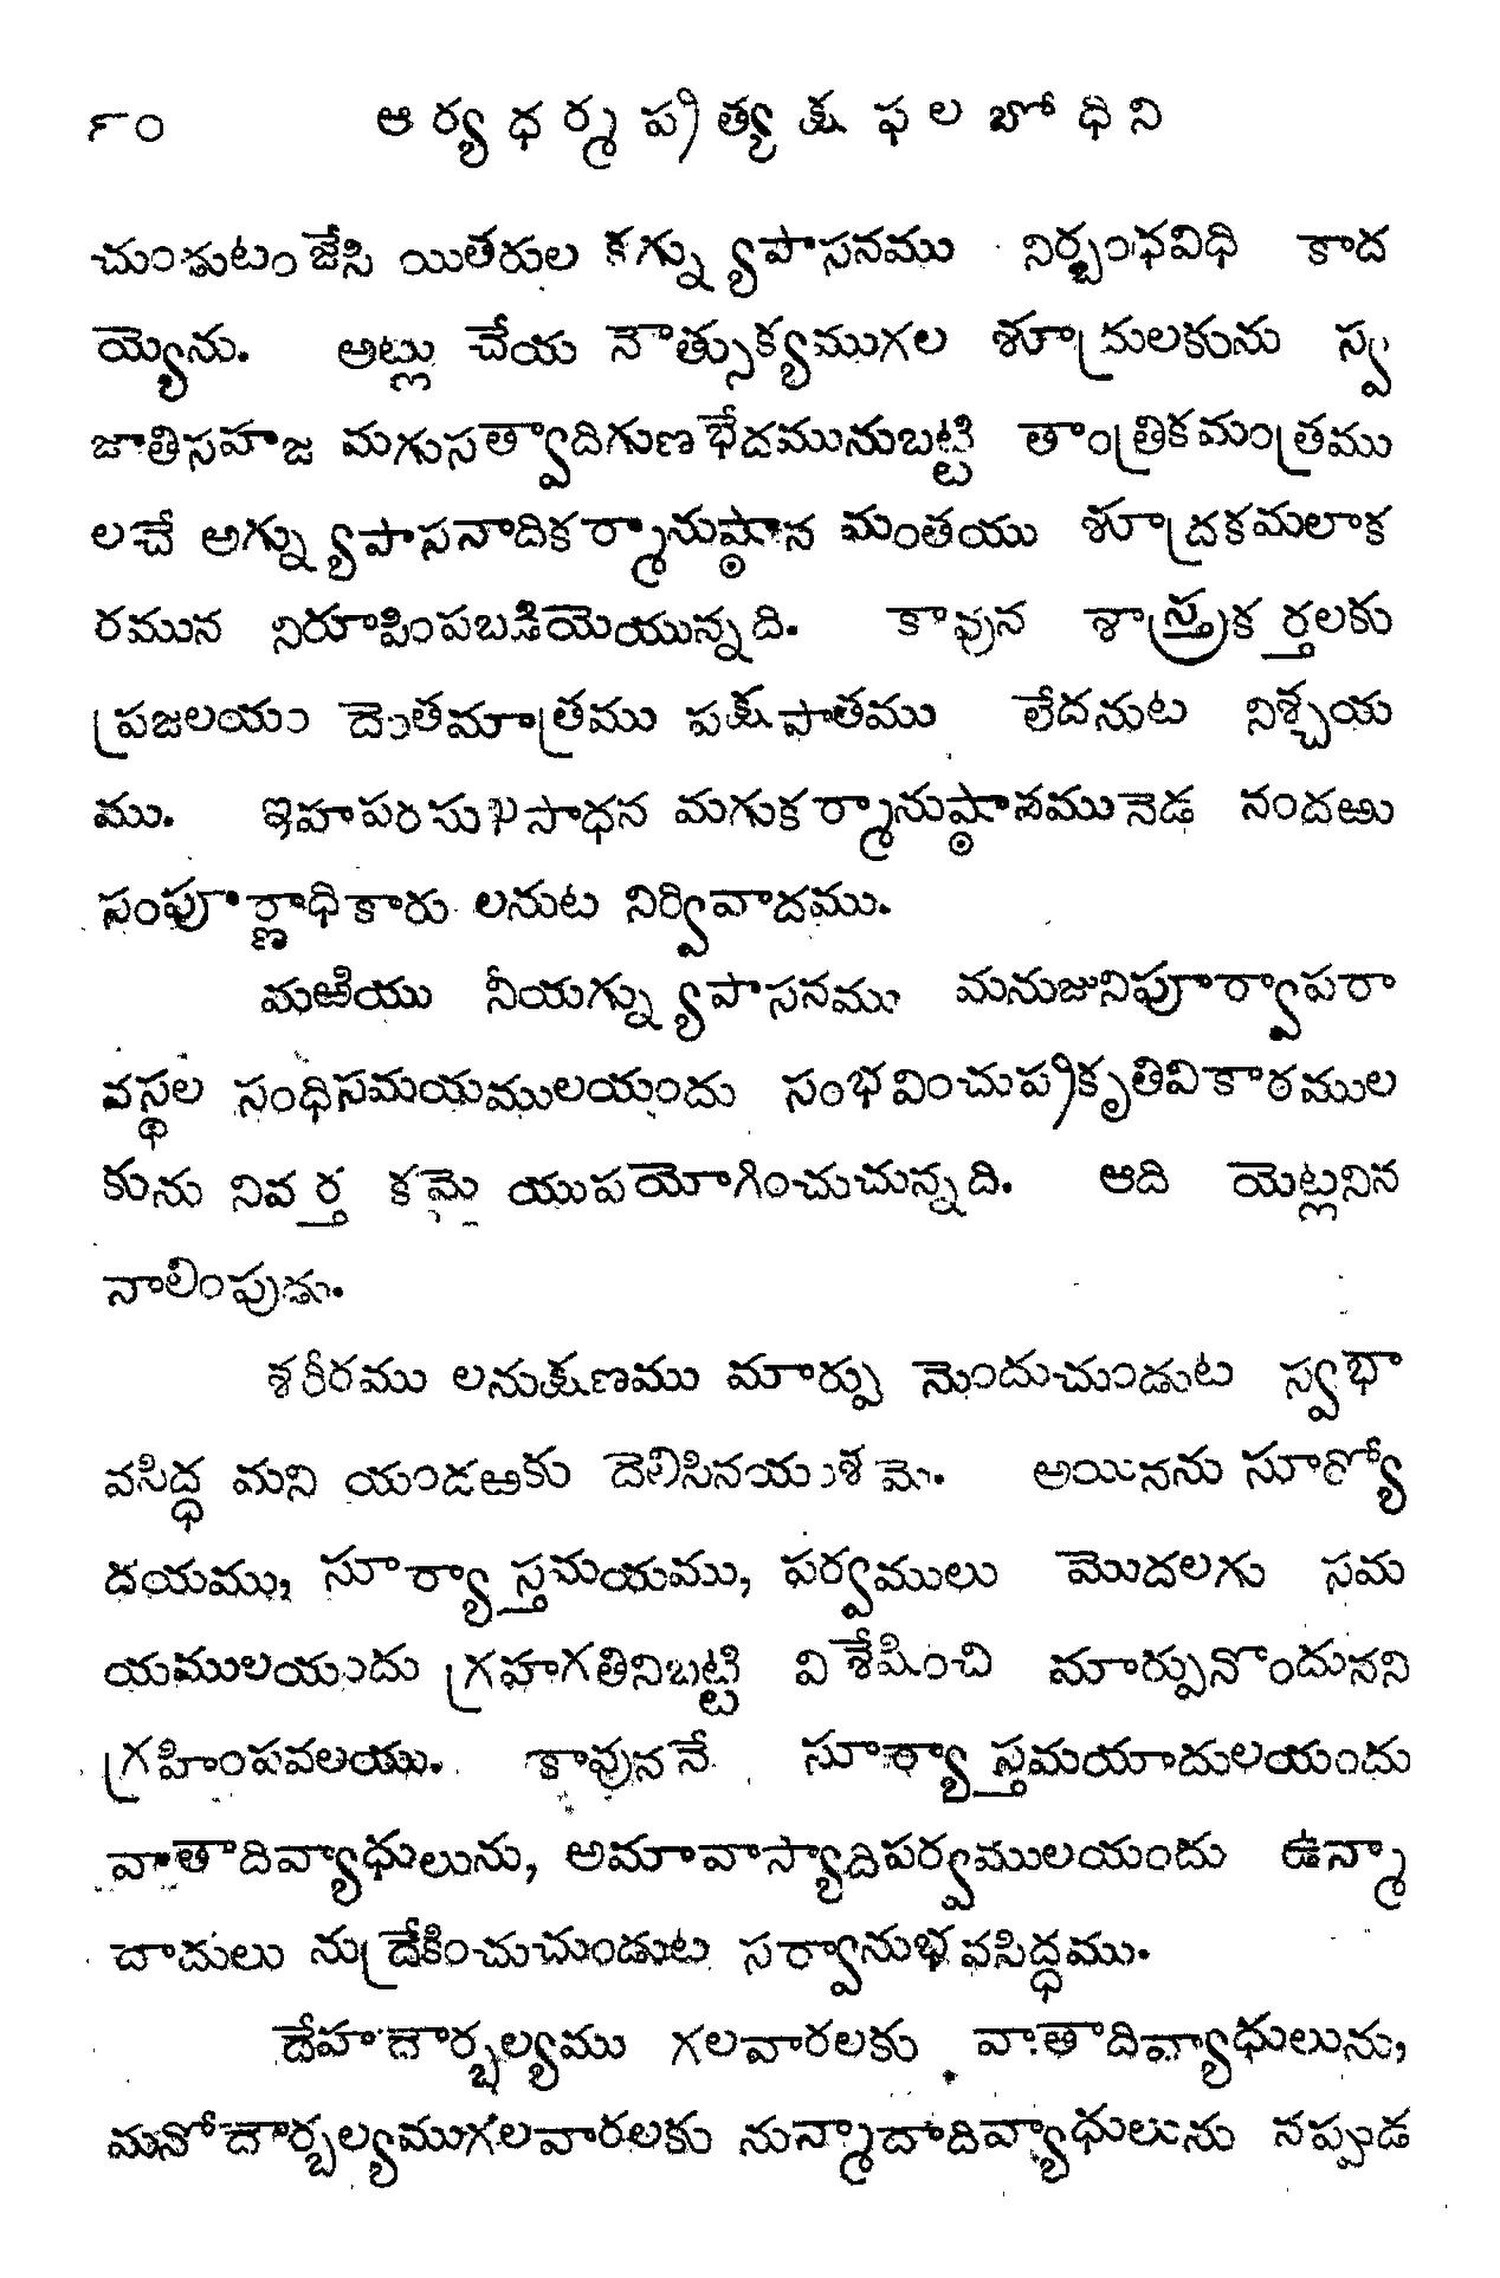చుండుటంజేసి యితరుల కగ్న్యుపాసనము నిర్బంధవిధి కాదయ్యెను. అట్లు చేయ నౌత్సుక్యముగల శూద్రులకును స్వజాతిసహజ మగుసత్వాదిగుణభేదమునుబట్టి తాంత్రికమంత్రములచే అగ్న్యుపాసనాదికర్మానుష్ఠాన మంతయు శూద్రకమలాకరమున నిరూపింపబడియెయున్నది. కావున శాస్త్రకర్తలకు ప్రజలయం దెంతమాత్రము పక్షపాతము లేదనుట నిశ్చయము. ఇహపరసుఖసాధన మగుకర్మానుష్ఠానమునెడ నందఱు సంపూర్ణాధికారు లనుట నిర్వివాదము.

మఱియు నీయగ్న్యుపాసనము మనుజునిపూర్వాపరావస్థల సంధిసమయములయందు సంభవించు ప్రకృతివికారములకును నివర్త కమై యుపయోగించుచున్నది. అది యెట్లనిన నాలింపుడు.

శరీరము లనుక్షణము మార్పు నొందుచుండుట స్వభావసిద్ధ మని యందఱకు దెలిసినయంశమె. అయినను సూర్యోదయము, సూర్యాస్తమయము, పర్వములు మొదలగు సమయములయుదు గ్రహగతినిబట్టి విశేషించి మార్పునొందునని గ్రహింపవలయు. కావుననే సూర్యాస్తమయాదులయందు వాతాదివ్యాధులును, అమావాస్యాది పర్వములయందు ఉన్మాదాదులు నుద్రేకించుచుండుట సర్వానుభవసిద్ధము.

దేహదౌర్బల్యము గలవారలకు వాతాదివ్యాధులును, మనోదౌర్బల్యముగలవారలకు నున్మాదాదివ్యాధులును నప్పుడ